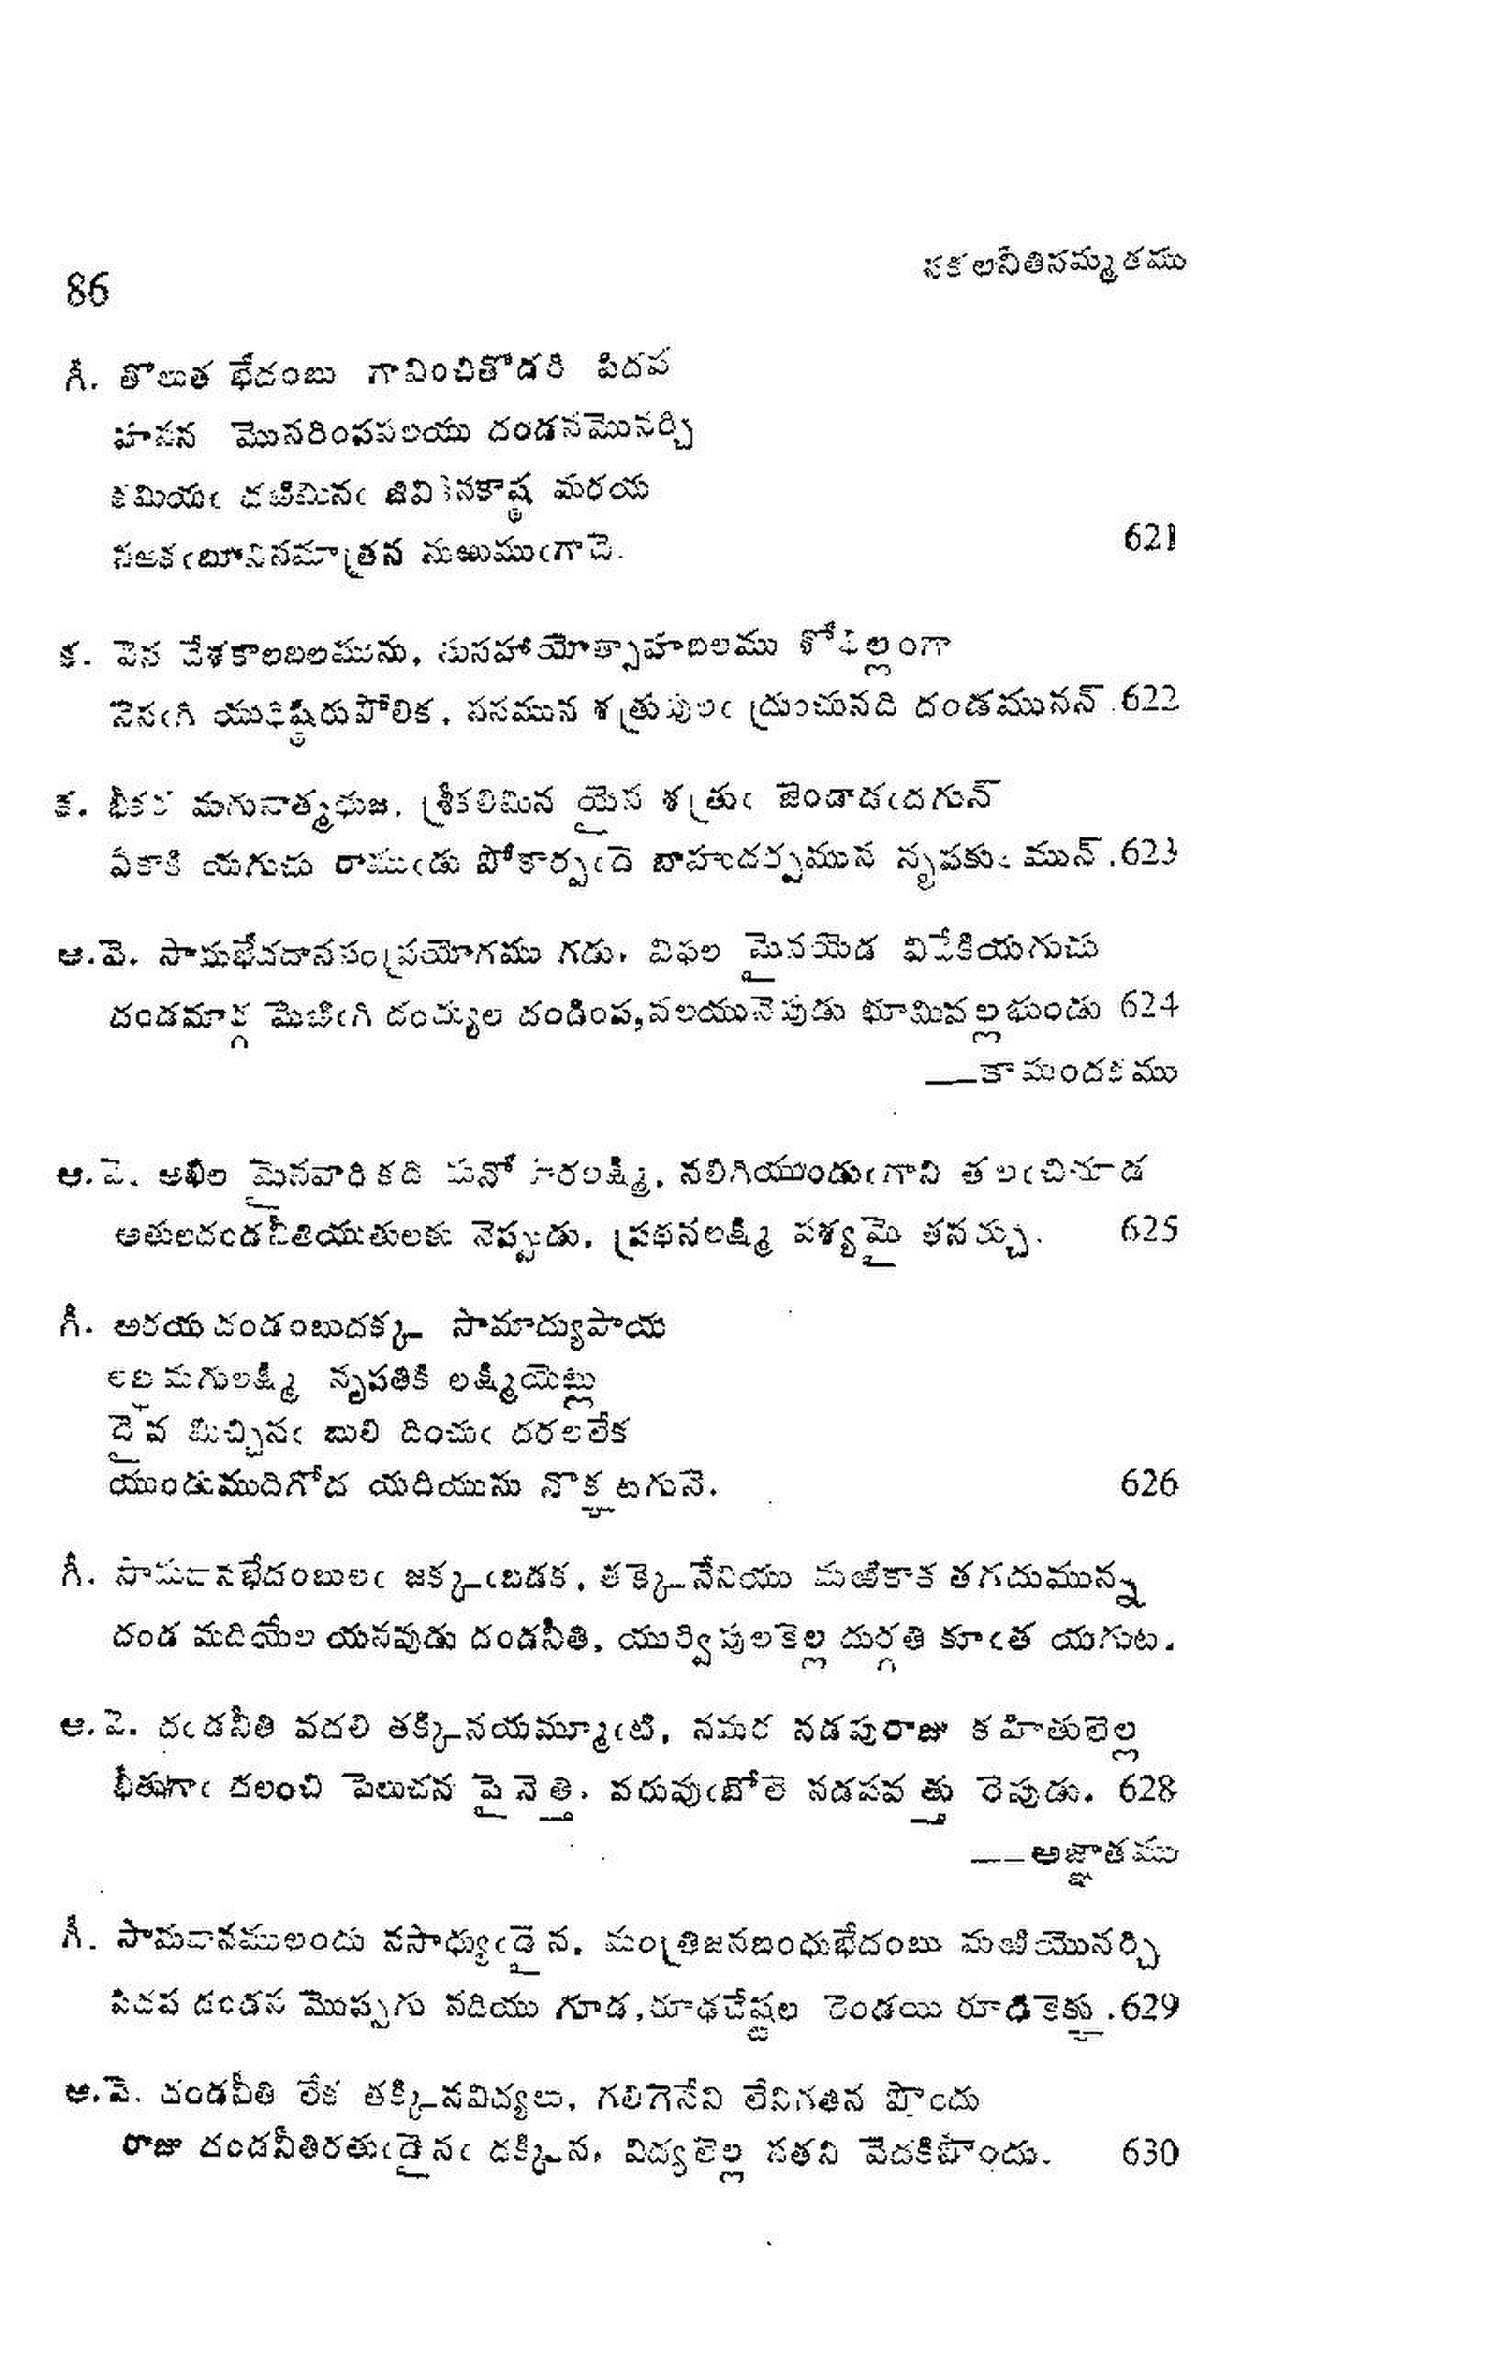గీ. తొలుత భేదంబు గావించి తొడరి పిదప
హనన మొనరింపవలయు దండన మొనర్చి
కమియఁ దఱిమినఁ జివికిన కాష్ఠ మరయ
నఱకఁ బూనినమాత్రన నుఱుముఁగాదె. 621

క. వెస దేశకాలబలమును
సుసహాయోత్సాహబలము శోభిల్లంగా
నెసఁగి యుధిష్ఠిరు పోలిక
ననమున శత్రువులఁ ద్రుంచునది దండమునన్. 622

క. భీకర మగు నాత్మభుజ
శ్రీకలిమిన యైన శత్రుఁ జెండాడఁదగున్
ఏకాకి యగుచు రాముఁడు
పోకార్పఁడె బాహుదర్పమున నృపకులమున్. 623

ఆ. సామభేదదానసంప్రయోగము గడు
విఫలమైన యెడ వివేకి యగుచు
దండమార్గ మెఱిఁగి దండ్యుల దండింప
వలయు నెపుడు భూమివల్లభుండు. 624

ఆ. అఖిల మైనవారి కది మనోహరలక్ష్మి
నలిగియుండుఁగాని తలఁచిచూడ
అతులదండనీతియుతులకు నెప్పుడు
ప్రథనలక్ష్మి వశ్యమై దనర్చు. 625

గీ. అరయ దండంబు దక్క సామద్యుపాయ
లబ్ధ మగు లక్ష్మి నృపతికి లక్ష్మి యెట్లు
దైవ మిచ్చినఁ బులి దించుఁ దరలలేక
యుండు ముదిగోద యదియును నొక్కటగునె. 626

గీ. సామదానభేదంబులఁ జక్కఁబడక
తక్కెనేనియు మఱికాక తగదుమున్న
దండ మదియేల యనవుడు దండనీతి
యుర్విపులకెల్ల దుర్గతి కూఁత యగుట. 627

ఆ. దండనీతి వదలి తక్కినయమ్మూఁటి
నమర నడపురాజు కహితులెల్ల
భీతుగాఁ దలంచి పెలుచన పైనెత్తి
వరువుఁబోలె నడపవత్తు రెపుడు. 628

గీ. సామదానములందు నసాధ్యుఁడైన
మంత్రిజనబంధుభేదంబు మఱియొనర్చి
పిదప దండన మొప్పగు నదియు గూడ
రూఢచేష్టల రెండయి రూఢికెక్కు. 629

ఆ. దండనీతి లేక తక్కినవిద్యలు
గలిగెనేని లేనిగతిన పొందు
రాజు దండనీతిరతుఁడైనఁ దక్కిన
విద్యలెల్ల నతని వెదకిపొందు. 630